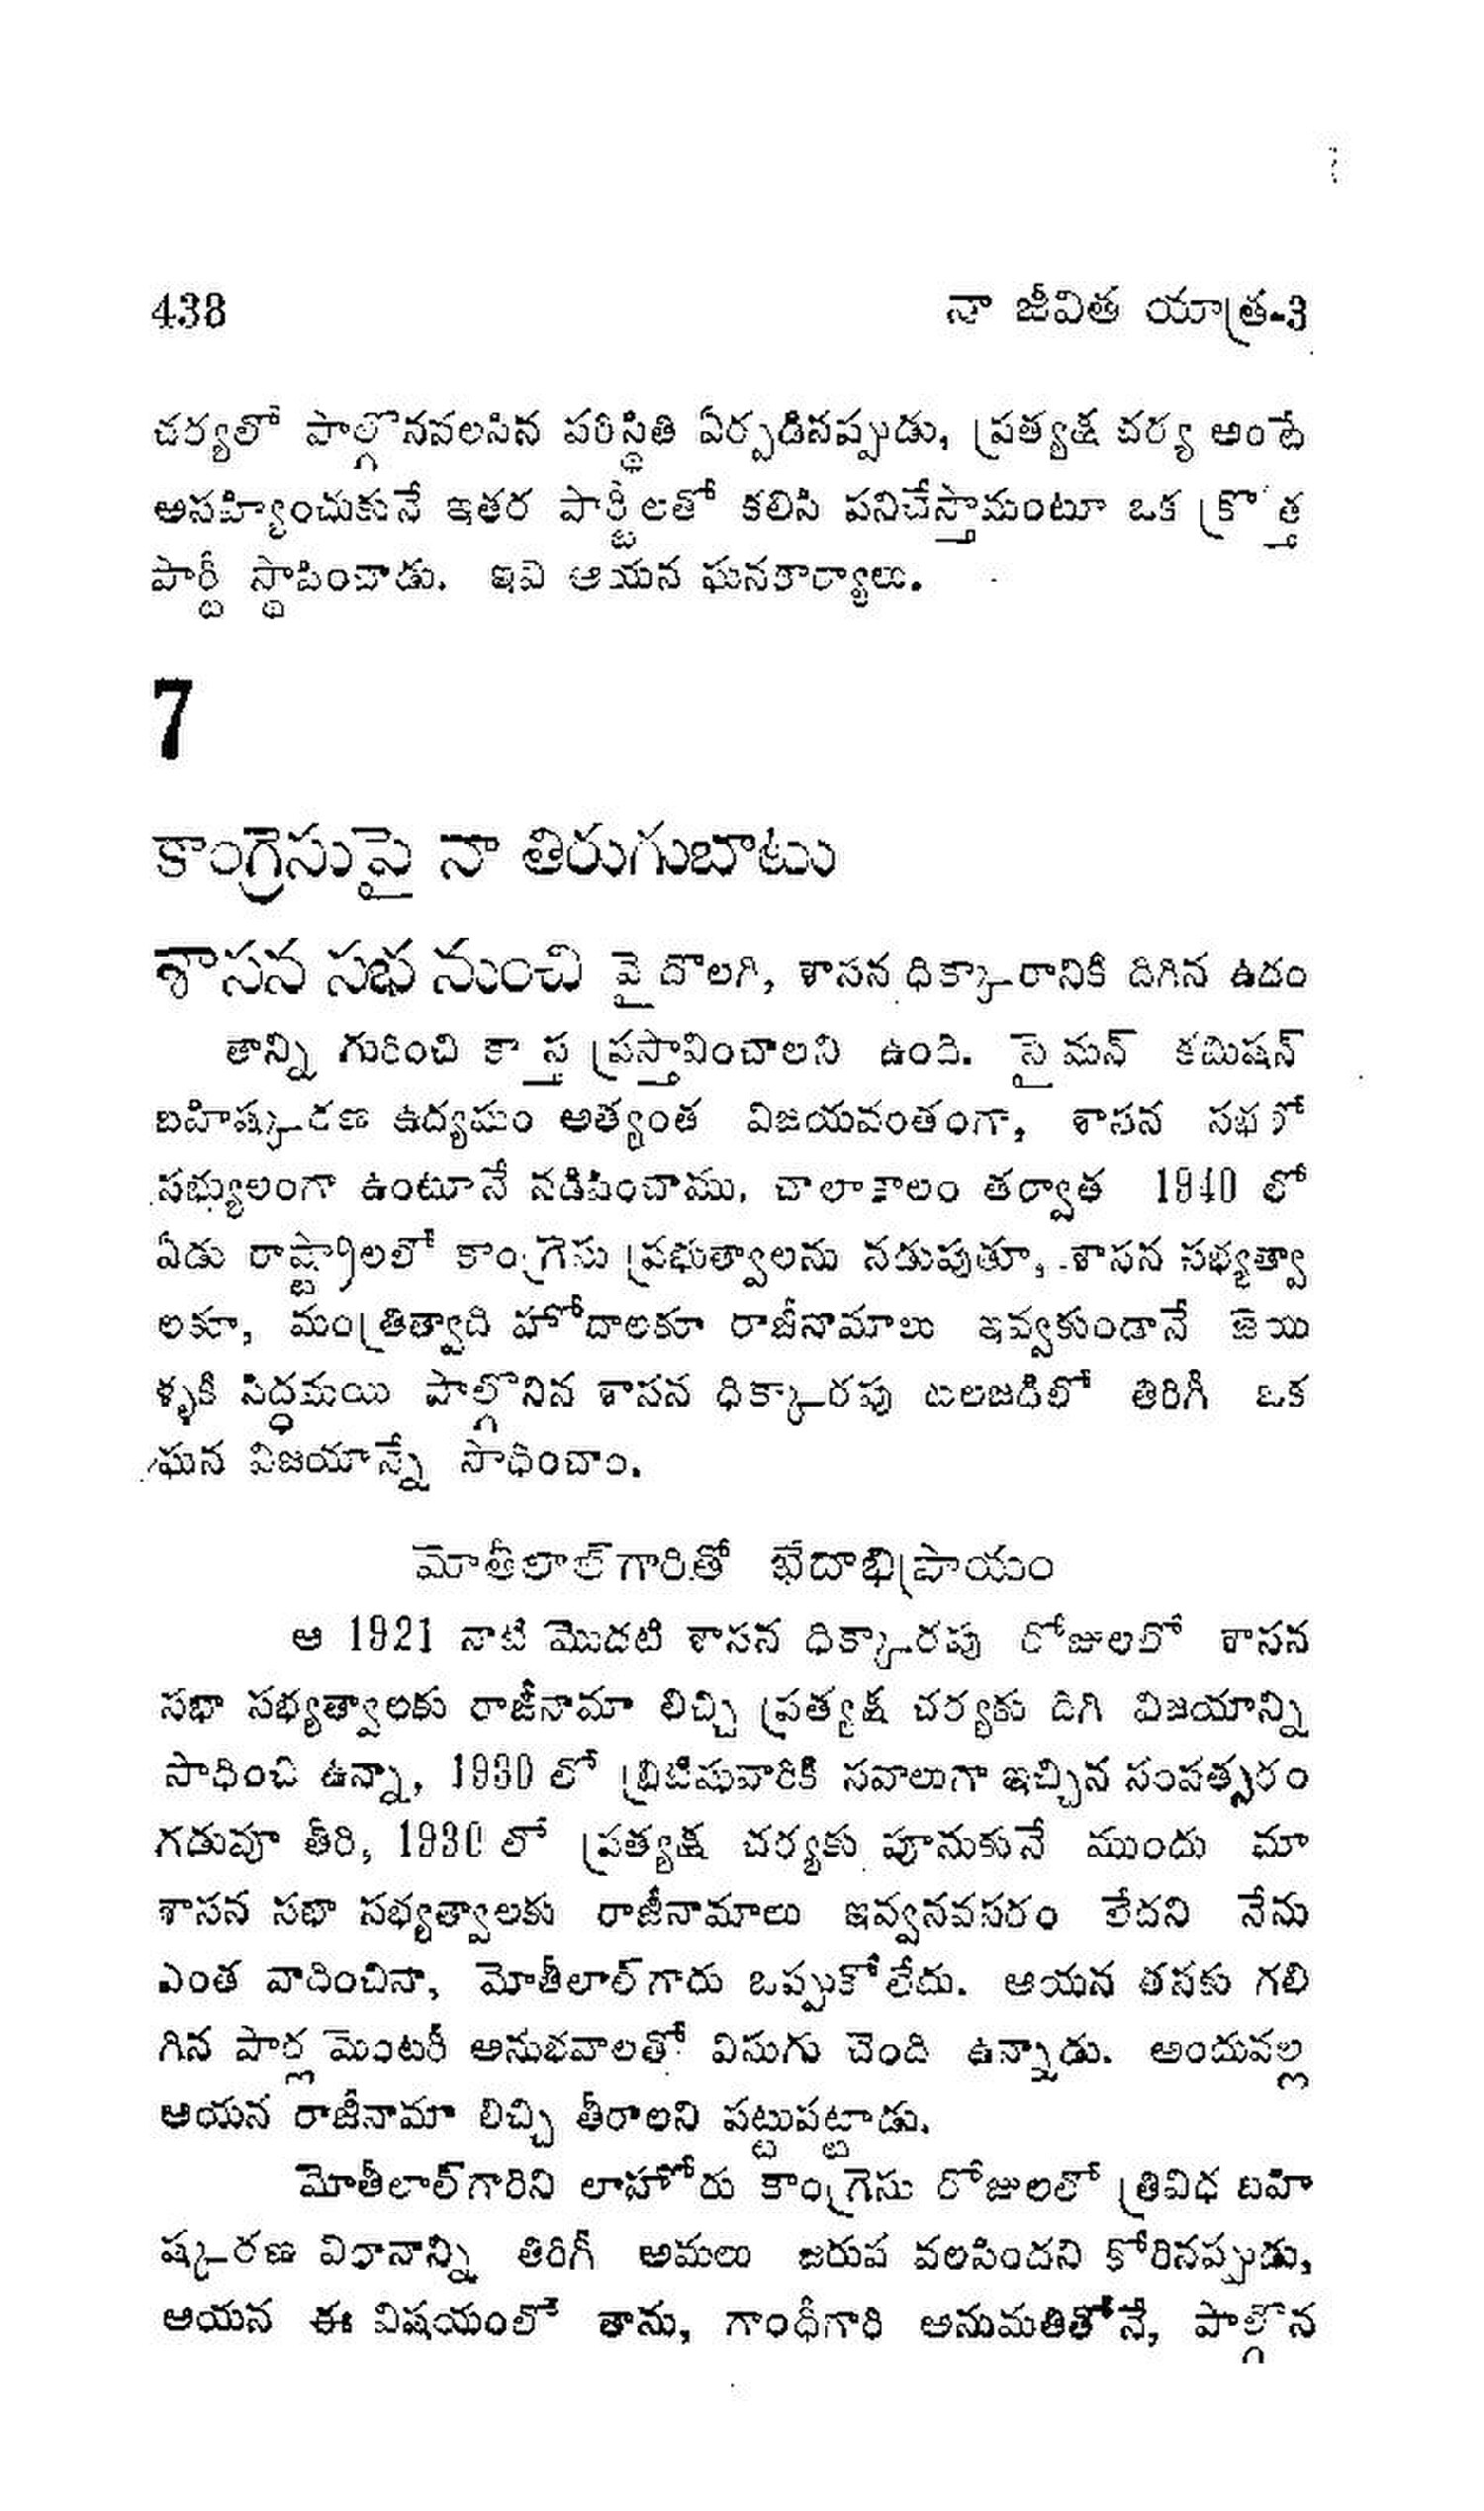చర్యలో పాల్గొనవలసిన పరిస్థితి ఏర్పడినప్పుడు, ప్రత్యక్ష చర్య అంటే అపహ్యించుకునే ఇతర పార్టీలతో కలిసి పనిచేస్తామంటూ ఒక క్రొత్త పార్టీ స్థాపించాడు. ఇవి ఆయన ఘనకార్యాలు.

శాసన సభ నుంచి వై దొలగి, శాసన ధిక్కారానికి దిగిన ఉదంతాన్ని గురించి కాస్త ప్రస్తావించాలని ఉంది. సైమన్ కమిషన్ బహిష్కరణ ఉద్యమం అత్యంత విజయవంతంగా, శాసన సభలో సభ్యులంగా ఉంటూనే నడిపించాము. చాలాకాలం తర్వాత 1940 లో ఏడు రాష్ట్రాలలో కాంగ్రెసు ప్రభుత్వాలను నడుపుతూ, శాసన సభ్యత్వాలకూ, మంత్రిత్వాది హోదాలకూ రాజీనామాలు ఇవ్వకుండానే జెయిళ్ళకి సిద్ధమయి పాల్గొనిన శాసన ధిక్కారపు టలజడిలో తిరిగీ ఒక ఘన విజయాన్నే సాధించాం.

అ 1921 నాటి మొదటి శాసన ధిక్కారపు రోజులలో శాసన సభా సభ్యత్వాలకు రాజీనామా లిచ్చి ప్రత్యక్ష చర్యకు దిగి విజయాన్ని సాధించి ఉన్నా, 1930 లో బ్రిటిషువారికి సవాలుగా ఇచ్చిన సంవత్సరం గడువూ తీరి, 1930 లో ప్రత్యక్ష చర్యకు పూనుకునే ముందు మా శాసన సభా సభ్యత్వాలకు రాజీనామాలు ఇవ్వనవసరం లేదని నేను ఎంత వాదించినా, మోతీలాల్‌గారు ఒప్పుకోలేదు. ఆయన తనకు గలిగిన పార్ల మెంటరీ అనుభవాలతో విసుగు చెంది ఉన్నాడు. అందువల్ల ఆయన రాజీనామా లిచ్చి తీరాలని పట్టుపట్టాడు.

మోతీలాల్‌గారిని లాహోరు కాంగ్రెసు రోజులలో త్రివిధ బహిష్కరణ విధానాన్ని తిరిగీ అమలు జరుప వలసిందని కోరినప్పుడు, ఆయన ఈ విషయంలో తాను, గాంధీగారి అనుమతితోనే, పాల్గొన